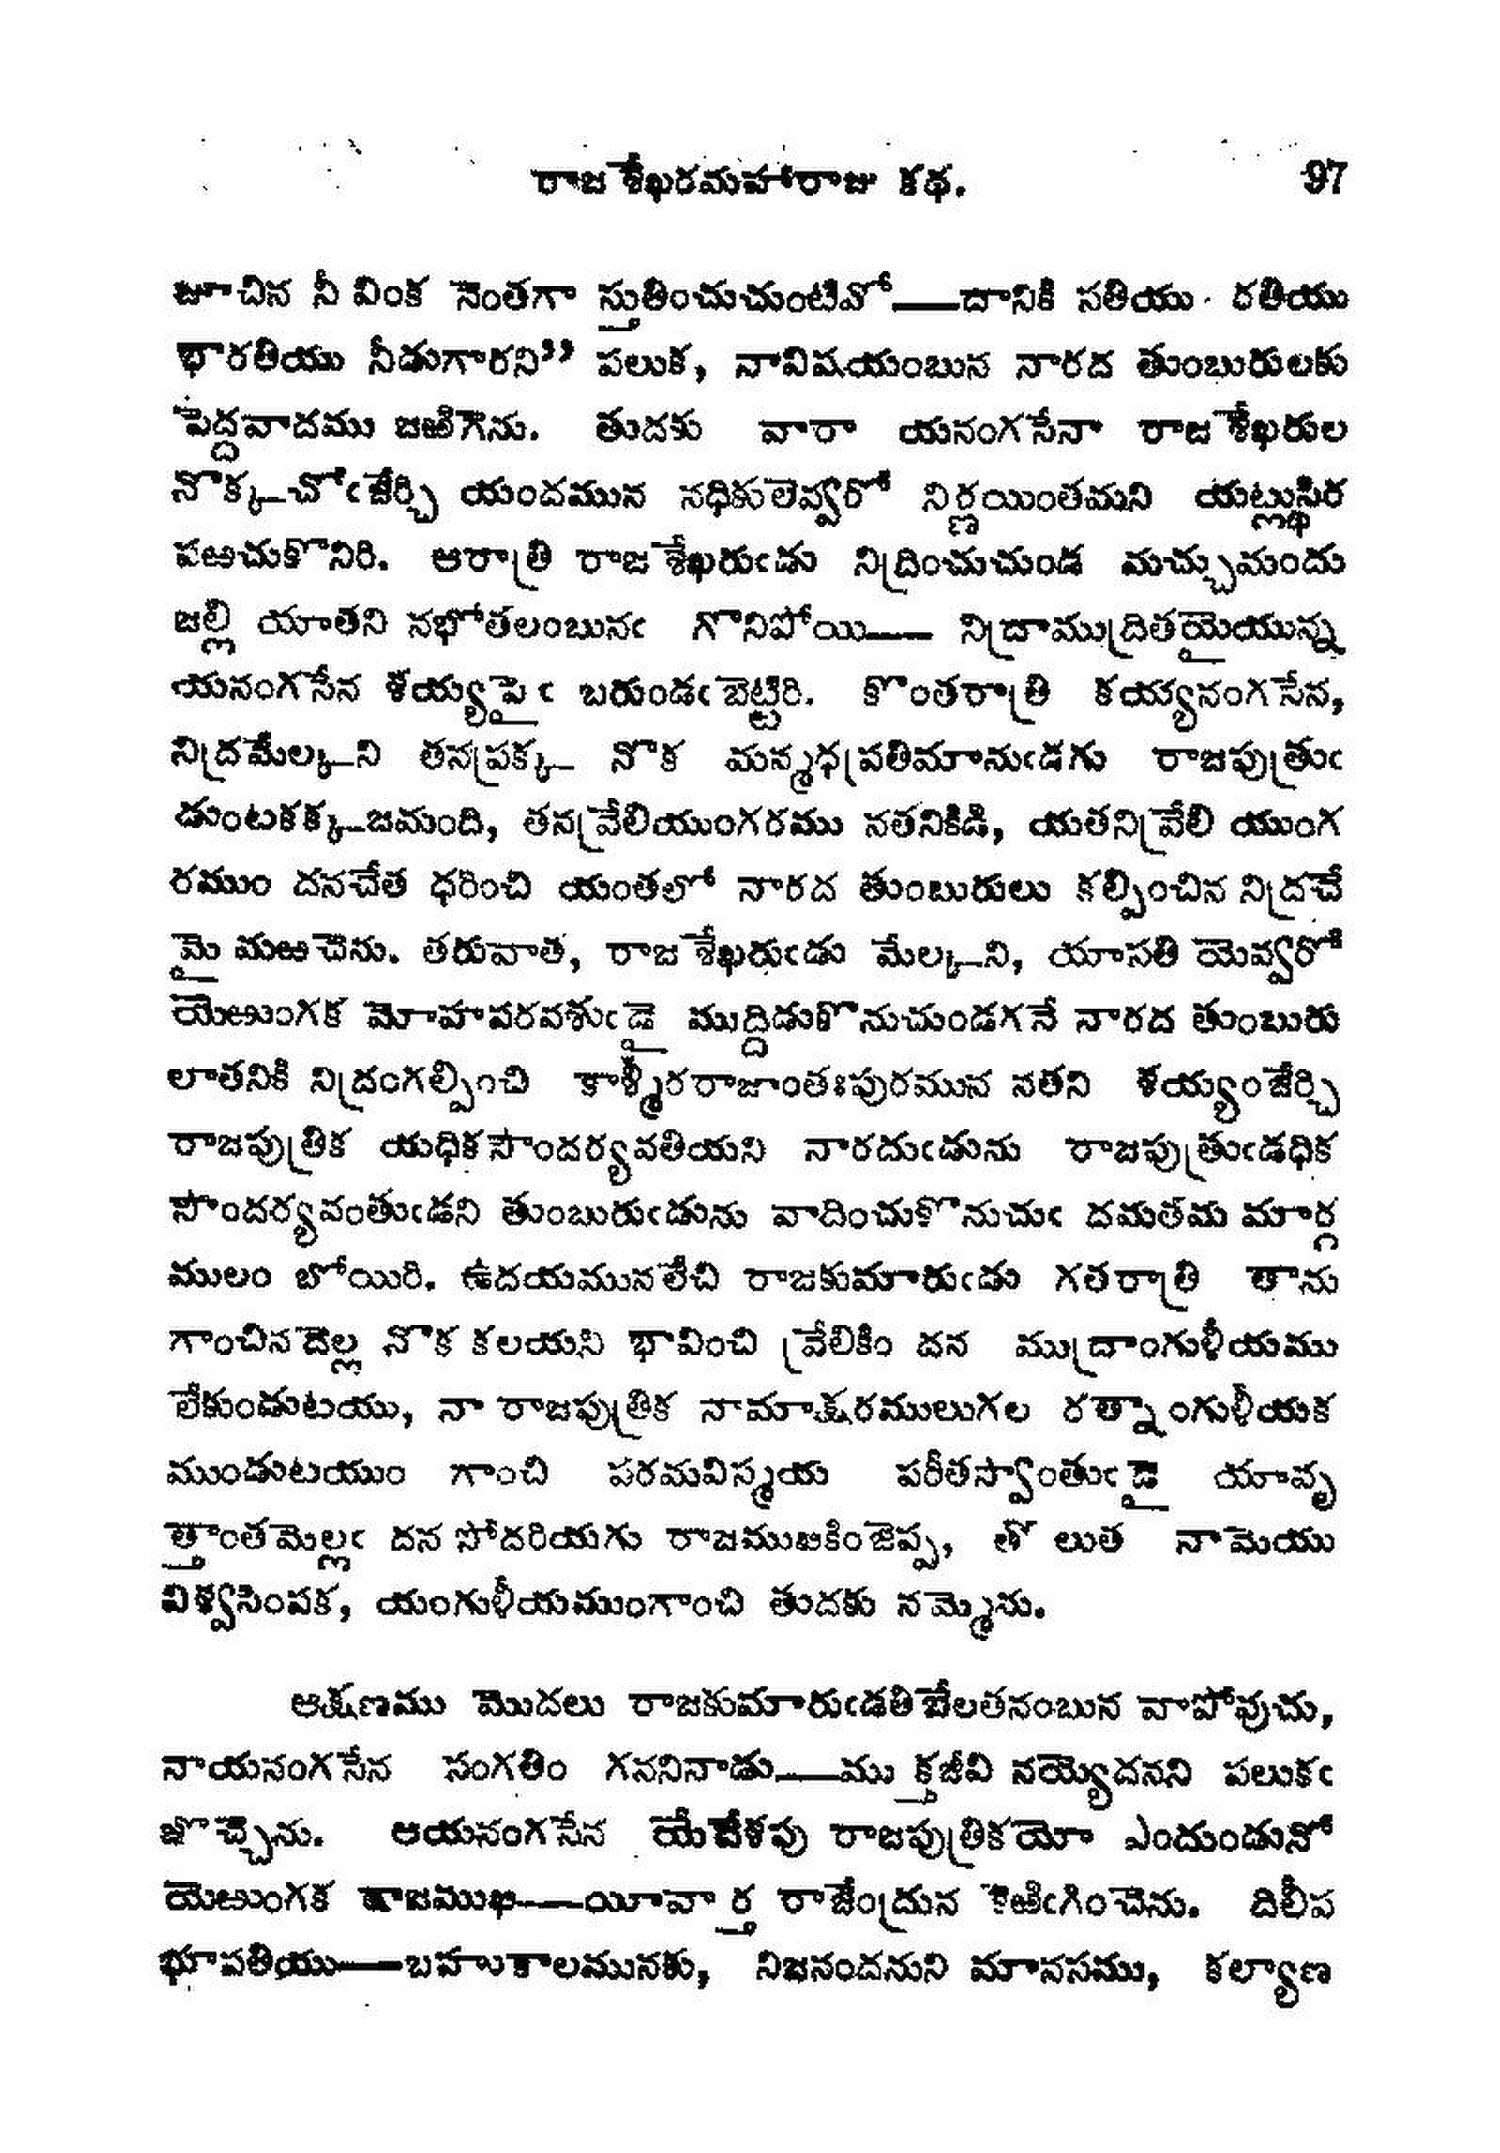జూచిన నీ వింక నెంతగా స్తుతించుచుంటివో——దానికి సతియు రతియు భారతియు నీడుగారని" పలుక, నావిషయంబున నారద తుంబురులకు పెద్దవాదము జఱిగెను. తుదకు వారా యనంగసేనా రాజశేఖరుల నొక్కచోఁజేర్చి యందమున నధికులెవ్వరో నిర్ణయింతమని యట్లుస్థిర పఱచుకొనిరి. ఆరాత్రి రాజశేఖరుఁడు నిద్రించుచుండ మచ్చుమందు జల్లి యాతని నభోతలంబునఁ గొనిపోయి—— నిద్రాముద్రితయైయున్న యనంగసేన శయ్యపైఁ బరుండఁ బెట్టిరి. కొంతరాత్రి కయ్యనంగసేన,
నిద్రమేల్కని తనప్రక్క నొక మన్మధ ప్రతిమానుఁడగు రాజపుత్రుఁ డుంటకక్కజమంది, తన వ్రేలియుంగరము నతనికిడి, యతని వ్రేలి యుంగరముం దనచేత ధరించి యంతలో నారద తుంబురులు కల్పించిన నిద్రచే మైమఱచెను. తరువాత, రాజశేఖరుఁడు మేల్కని, యాసతి యెవ్వరో యెఱుంగక మోహపరవశుఁడై ముద్దిడుకొనుచుండగనే నారద తుంబురులాతనికి నిద్రంగల్పించి కాశ్మీర రాజాంతఃపురమున నతని శయ్యంజేర్చి రాజపుత్రిక యధిక సౌందర్యవతియని నారదుఁడును రాజపుత్రుఁడధిక సౌందర్యవంతుఁడని తుంబురుఁడుసు వాదించుకొనుచుఁ దమతమ మార్గములం బోయిరి. ఉదయమున లేచి రాజకుమారుఁడు గతరాత్రి తాను గాంచిన దెల్ల నొక కలయని భావించి వ్రేలికిం దన ముద్రాంగుళీయము
లేకుండుటయు, నా రాజపుత్రిక నామాక్షరములుగల రత్నాంగుళీయక ముండుటయుం గాంచి పరమవిస్మయ పరీతస్వాంతుఁడై యావృత్తాంత మెల్లఁ దన సోదరియగు రాజముఖికింజెప్ప, తొలుత నామెయువిశ్వసింపక,యంగుళీయముం గాంచి తుదకు నమ్మెను.

ఆక్షణము మొదలు రాజకుమారుఁడతి బేలతనంబున వాపోవుచు, నాయనంగసేన సంగతిం గననినాడు—— ముక్తజీవి నయ్యెదనని పలుకఁ జొచ్చెను. ఆయనంగసేన యేదేశపు రాజపుత్రికయో ఎందుండునో యెఱుంగక రాజముఖి——యీవార్త రాజేంద్రున కెఱిcగించెను. దిలీప భూపతియు——బహుకాలమునకు, నిజనందనుని మానసము, కల్యాణ